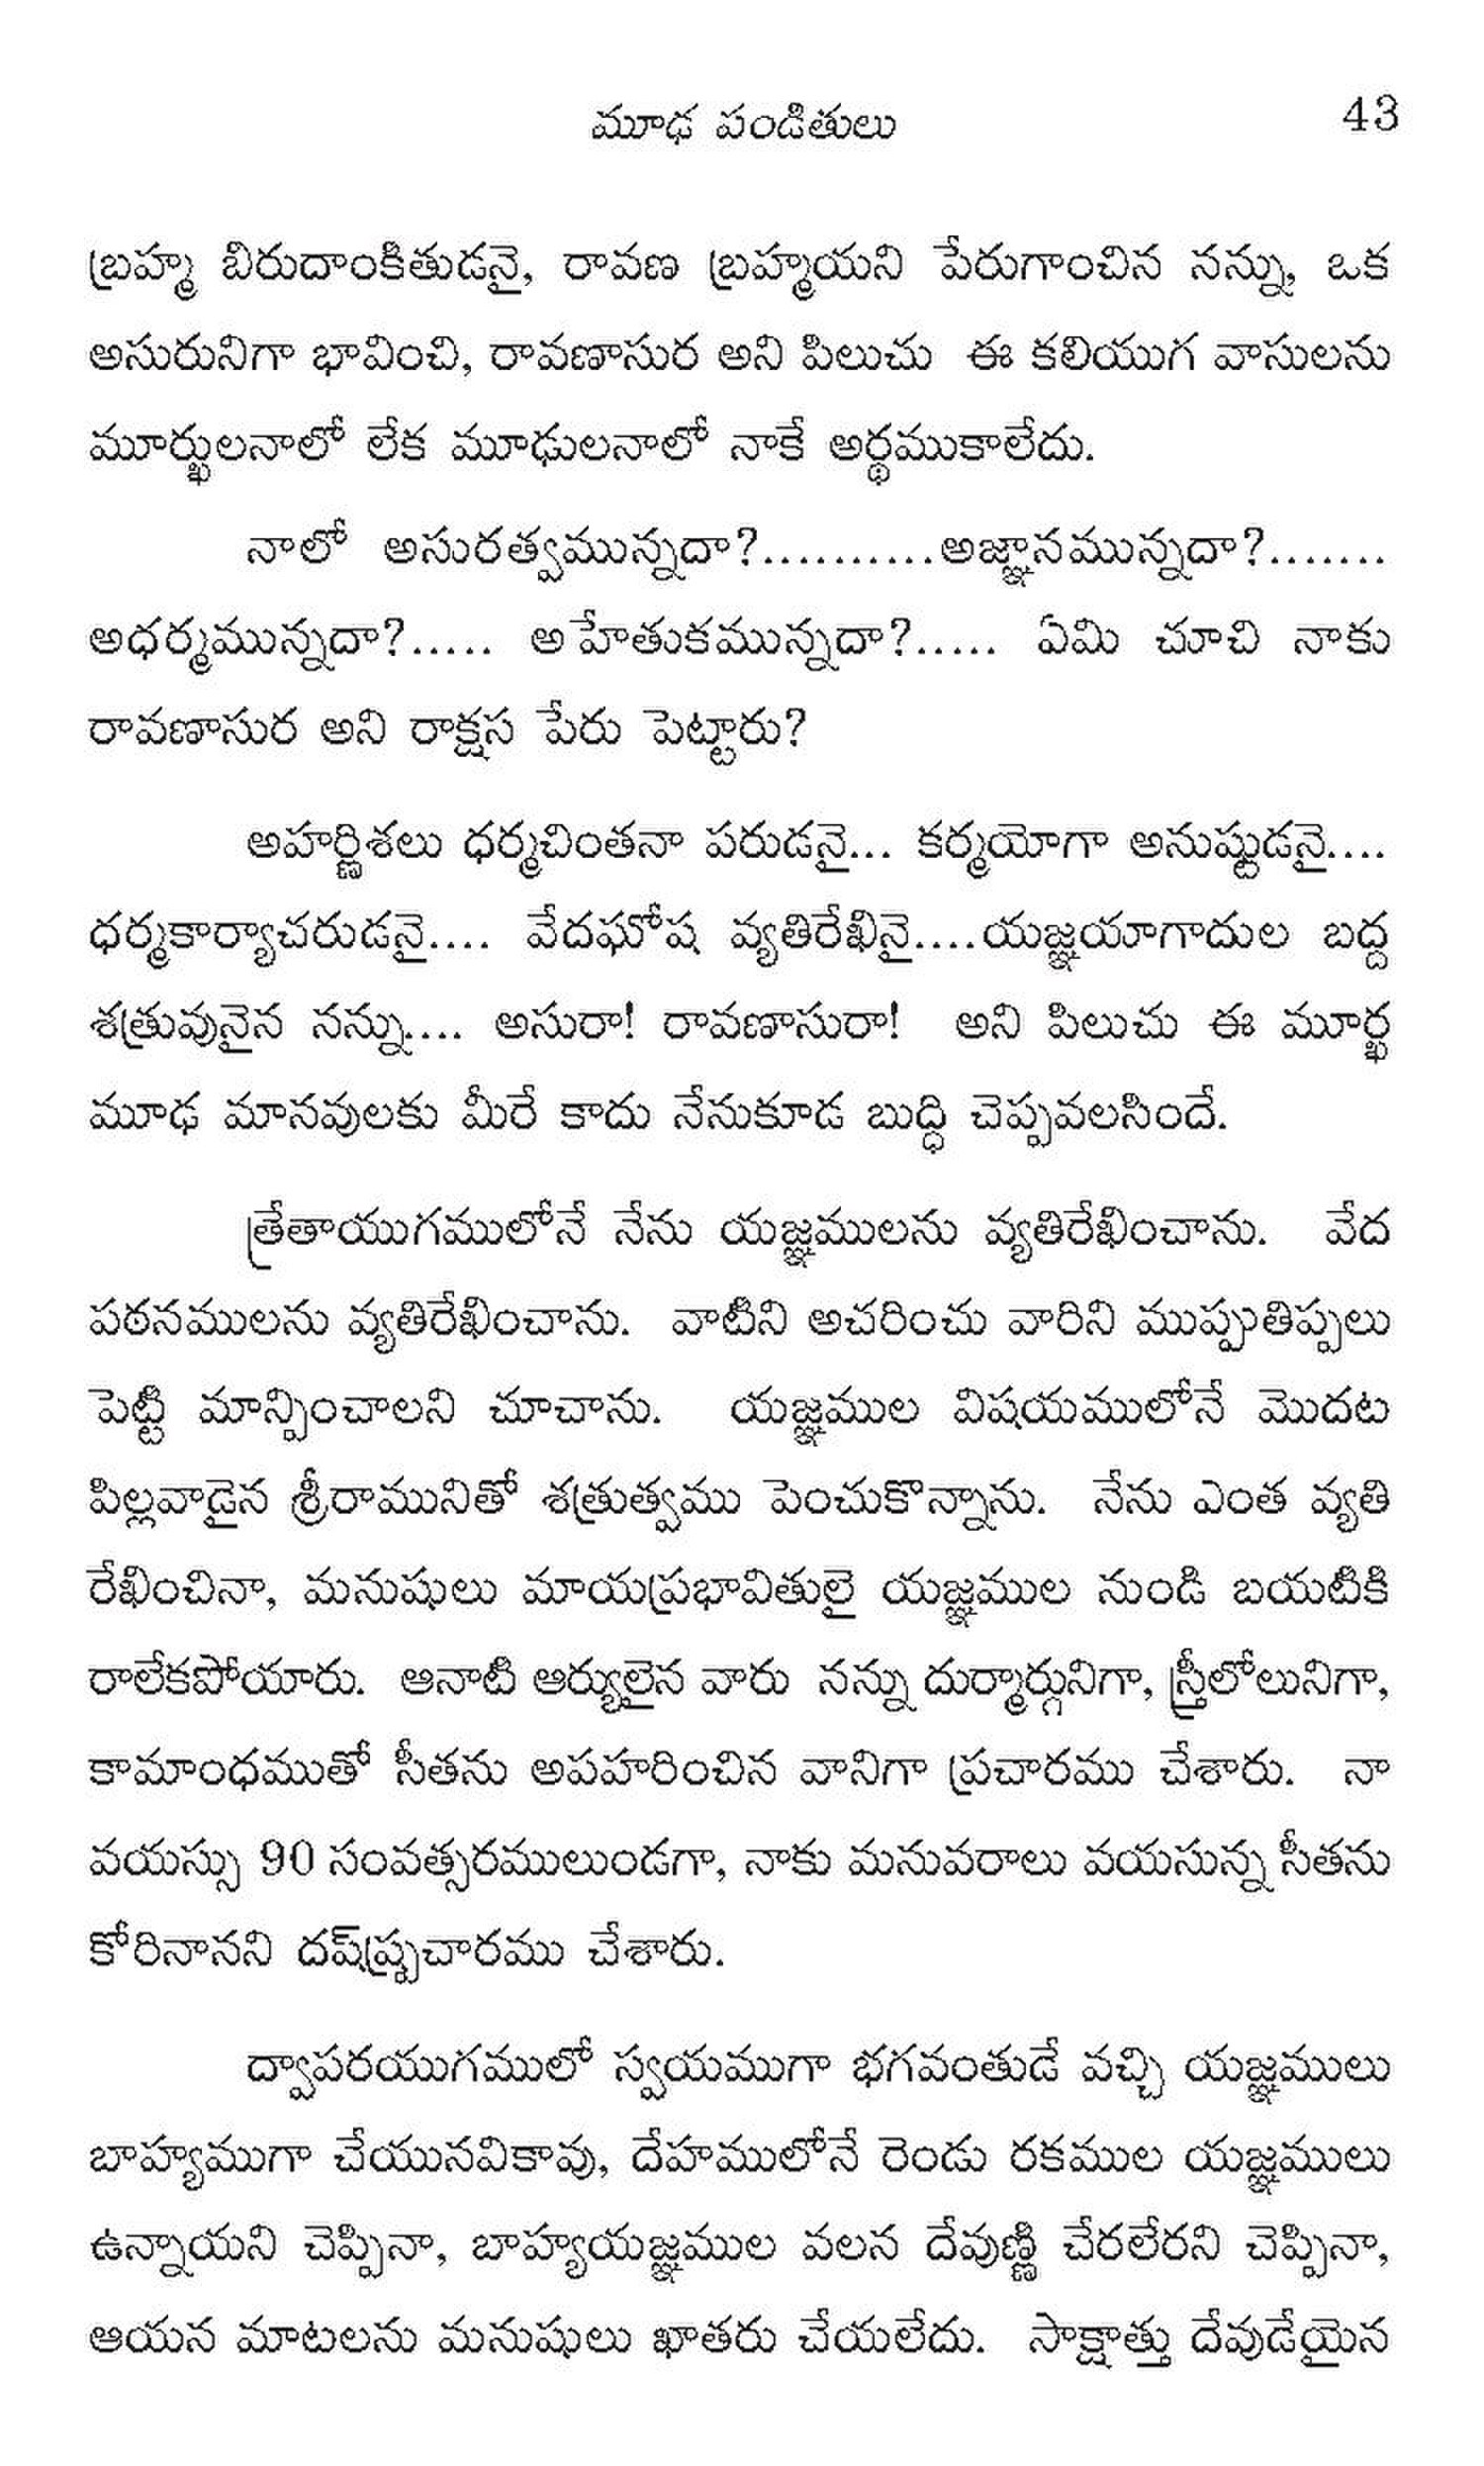బ్రహ్మ బిరుదాంకితుడనై, రావణ బ్రహ్మయని పేరుగాంచిన నన్ను, ఒక అసురునిగా భావించి, రావణాసుర అని పిలుచు ఈ కలియుగ వాసులను మూర్ఖులనాలో లేక మూఢులనాలో నాకే అర్థముకాలేదు.
	
నాలో అసురత్వమున్నదా?..........అజ్ఞానమున్నదా?....... అధర్మమున్నదా?..... అహేతుకమున్నదా?..... ఏమి చూచి నాకు రావణాసుర అని రాక్షస పేరు పెట్టారు?
	
అహర్ణిశలు ధర్మచింతనా పరుడనై... కర్మయోగా అనుష్టుడనై.... ధర్మకార్యాచరుడనై.... వేదఘోష వ్యతిరేఖినై.... యజ్ఞయాగాదుల బద్ద శత్రువునైన నన్ను.... అసురా! రావణాసురా! అని పిలుచు ఈ మూర్ఖ మూఢ మానవులకు మీరే కాదు నేనుకూడ బుద్ధి చెప్పవలసిందే.
	
త్రేతాయుగములోనే నేను యజ్ఞములను వ్యతిరేఖించాను. వేద పఠనములను వ్యతిరేఖించాను. వాటిని అచరించు వారిని ముప్పుతిప్పలు పెట్టి మాన్పించాలని చూచాను. యజ్ఞముల విషయములోనే మొదట పిల్లవాడైన శ్రీరామునితో శత్రుత్వము పెంచుకొన్నాను. నేను ఎంత వ్యతి రేఖించినా, మనుషులు మాయప్రభావితులై యజ్ఞముల నుండి బయటికి రాలేకపోయారు. ఆనాటి ఆర్యులైన వారు నన్ను దుర్మార్గునిగా, స్త్రీలోలునిగా, కామాంధముతో సీతను అపహరించిన వానిగా ప్రచారము చేశారు. నా వయస్సు 90 సంవత్సరములుండగా, నాకు మనువరాలు వయసున్న సీతను కోరినానని దష్‌ష్ప్రచారము చేశారు.
	
ద్వాపరయుగములో స్వయముగా భగవంతుడే వచ్చి యజ్ఞములు బాహ్యముగా చేయునవికావు, దేహములోనే రెండు రకముల యజ్ఞములు ఉన్నాయని చెప్పినా, బాహ్యయజ్ఞముల వలన దేవుణ్ణి చేరలేరని చెప్పినా, ఆయన మాటలను మనుషులు ఖాతరు చేయలేదు. సాక్షాత్తు దేవుడేయైన